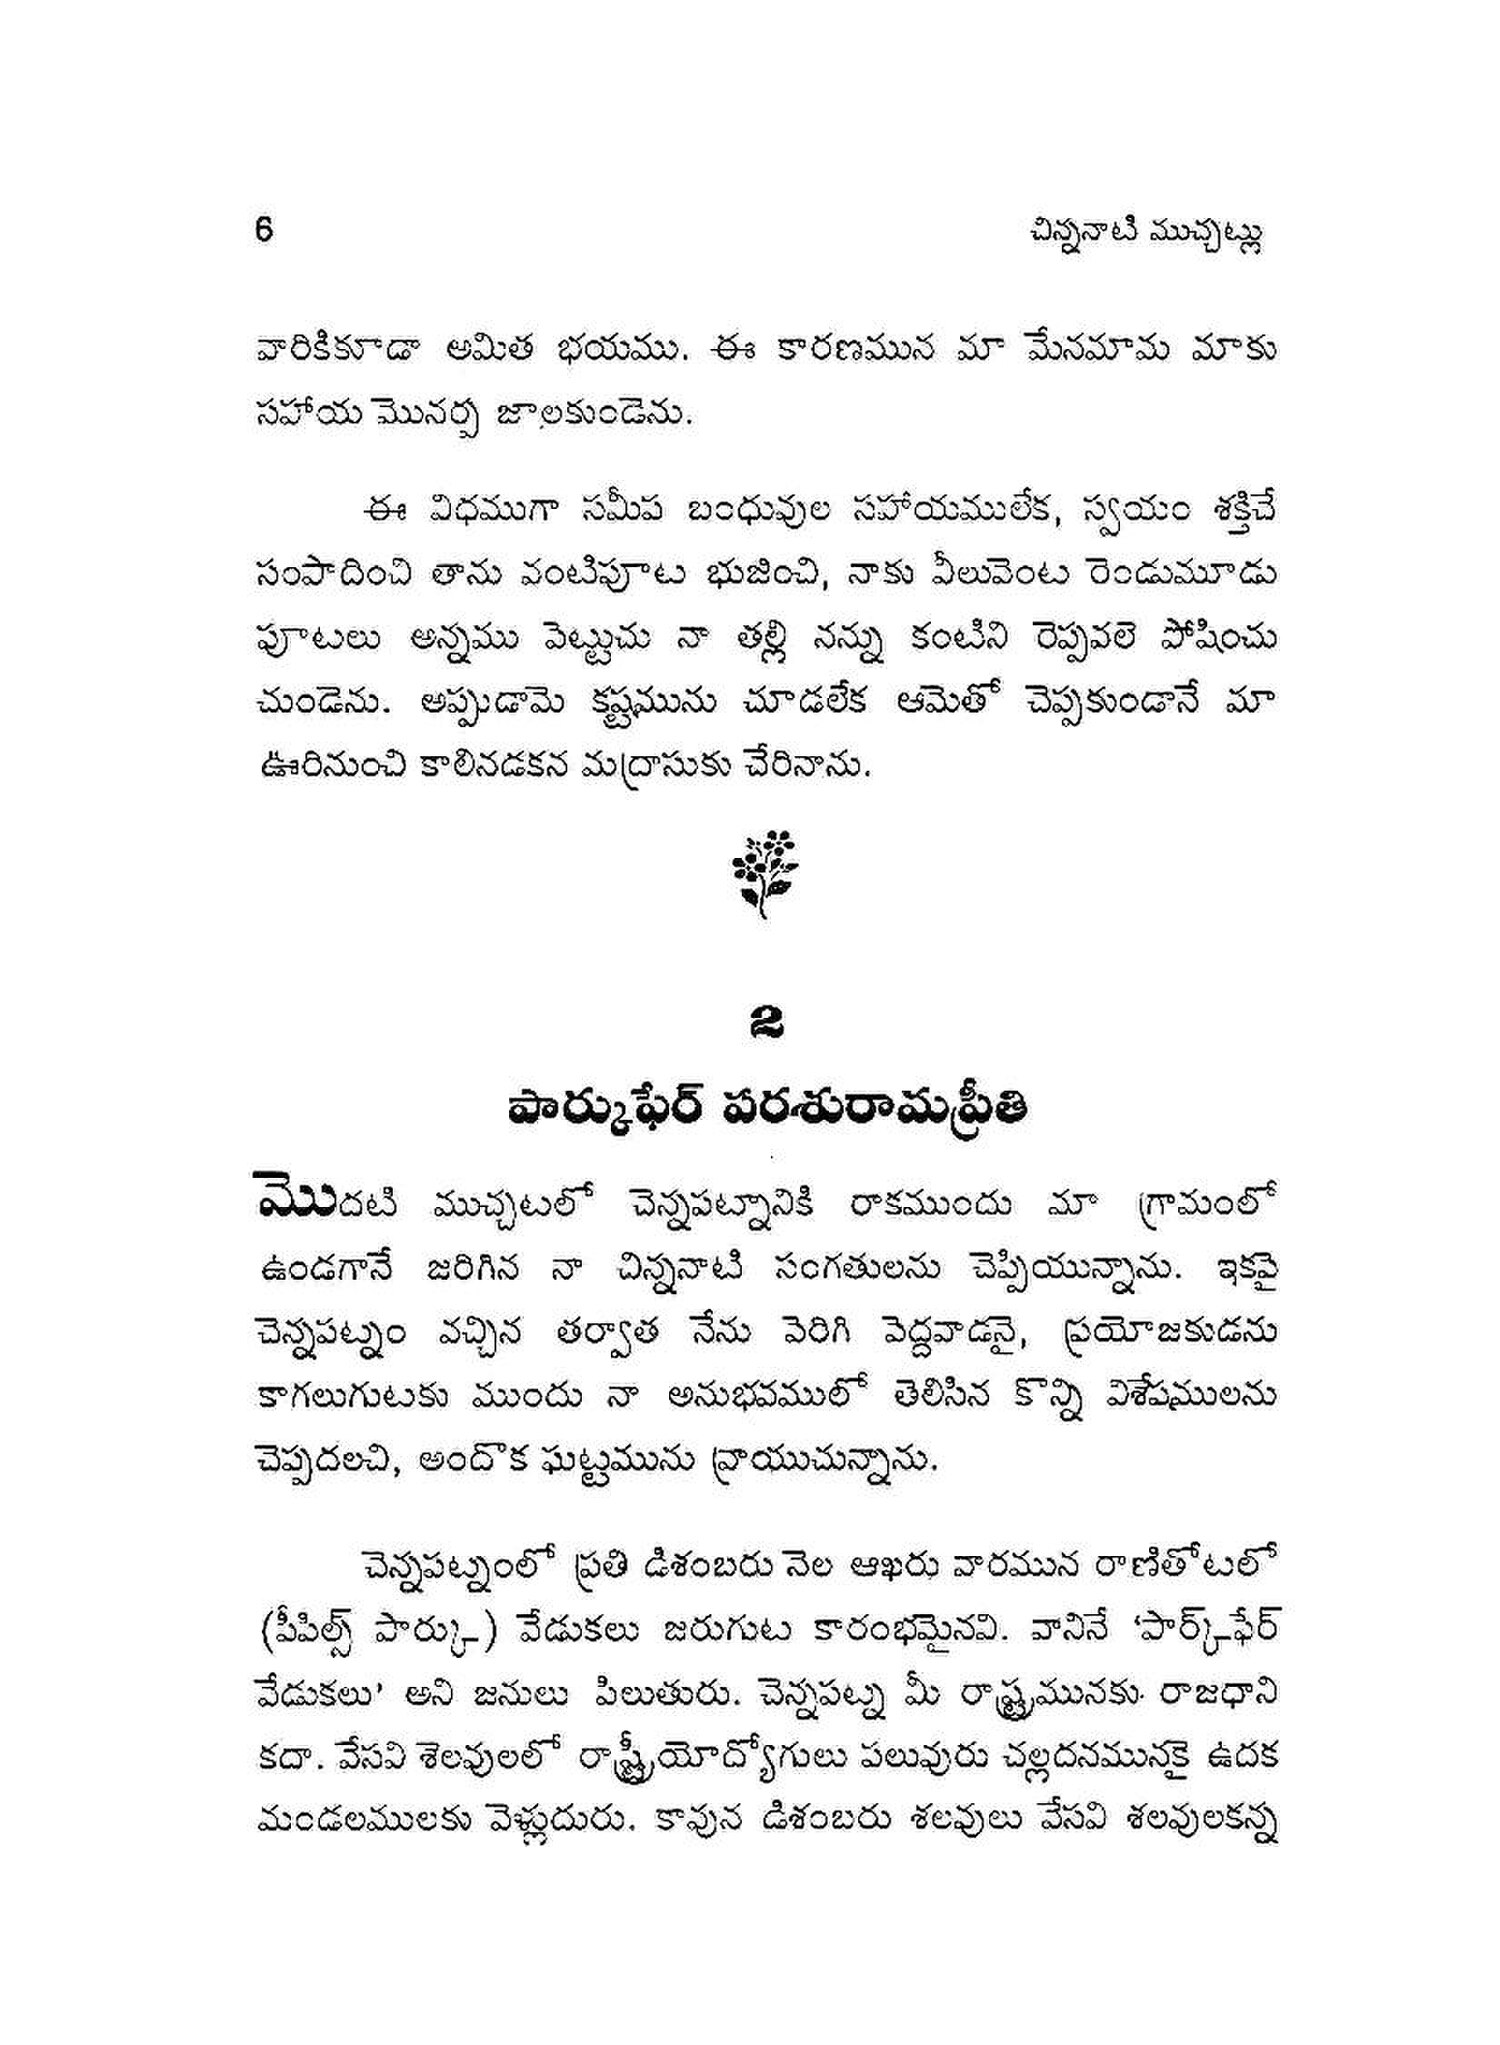వారికికూడా అమిత భయము. ఈ కారణమున మా మేనమామ మాకు సహాయమొనర్ప జాలకుండెను.

ఈ విధముగా సమీప బంధువుల సహాయములేక, స్వయం శక్తిచే సంపాదించి తాను వంటిపూట భుజించి, నాకు వీలువెంట రెండుమూడు పూటలు అన్నము పెట్టుచు నా తల్లి నన్ను కంటిని రెప్పవలె పోషించు చుండెను. అప్పడామె కష్టమును చూడలేక ఆమెతో చెప్పకుండానే మా ఊరినుంచి కాలినడకన మద్రాసుకు చేరినాను.

మొదటి ముచ్చటలో చెన్నపట్నానికి రాకముందు మా గ్రామంలో ఉండగానే జరిగిన నా చిన్ననాటి సంగతులను చెప్పియున్నాను. ఇకపై చెన్నపట్నం వచ్చిన తర్వాత నేను పెరిగి పెద్దవాడనై, ప్రయోజకుడను కాగలుగుటకు ముందు నా అనుభవములో తెలిసిన కొన్ని విశేషములను చెప్పదలచి, అందొక ఘట్టమును వ్రాయుచున్నాను.

చెన్నపట్నంలో ప్రతి డిశంబరు నెల ఆఖరు వారమున రాణితోటలో (పీపిల్స్ పార్కు) వేడుకలు జరుగుట కారంభమైనవి. వానినే 'పార్క్ ఫేర్ వేడుకలు' అని జనులు పిలుతురు. చెన్నపట్న మీ రాష్ట్రమునకు రాజధాని కదా. వేసవి శెలవులలో రాష్ట్రీయోద్యోగులు పలువురు చల్లదనమునకై ఉదక
మండలములకు వెళ్ళుదురు. కావున డిశంబరు శలవులు వేసవి శలవులకన్న